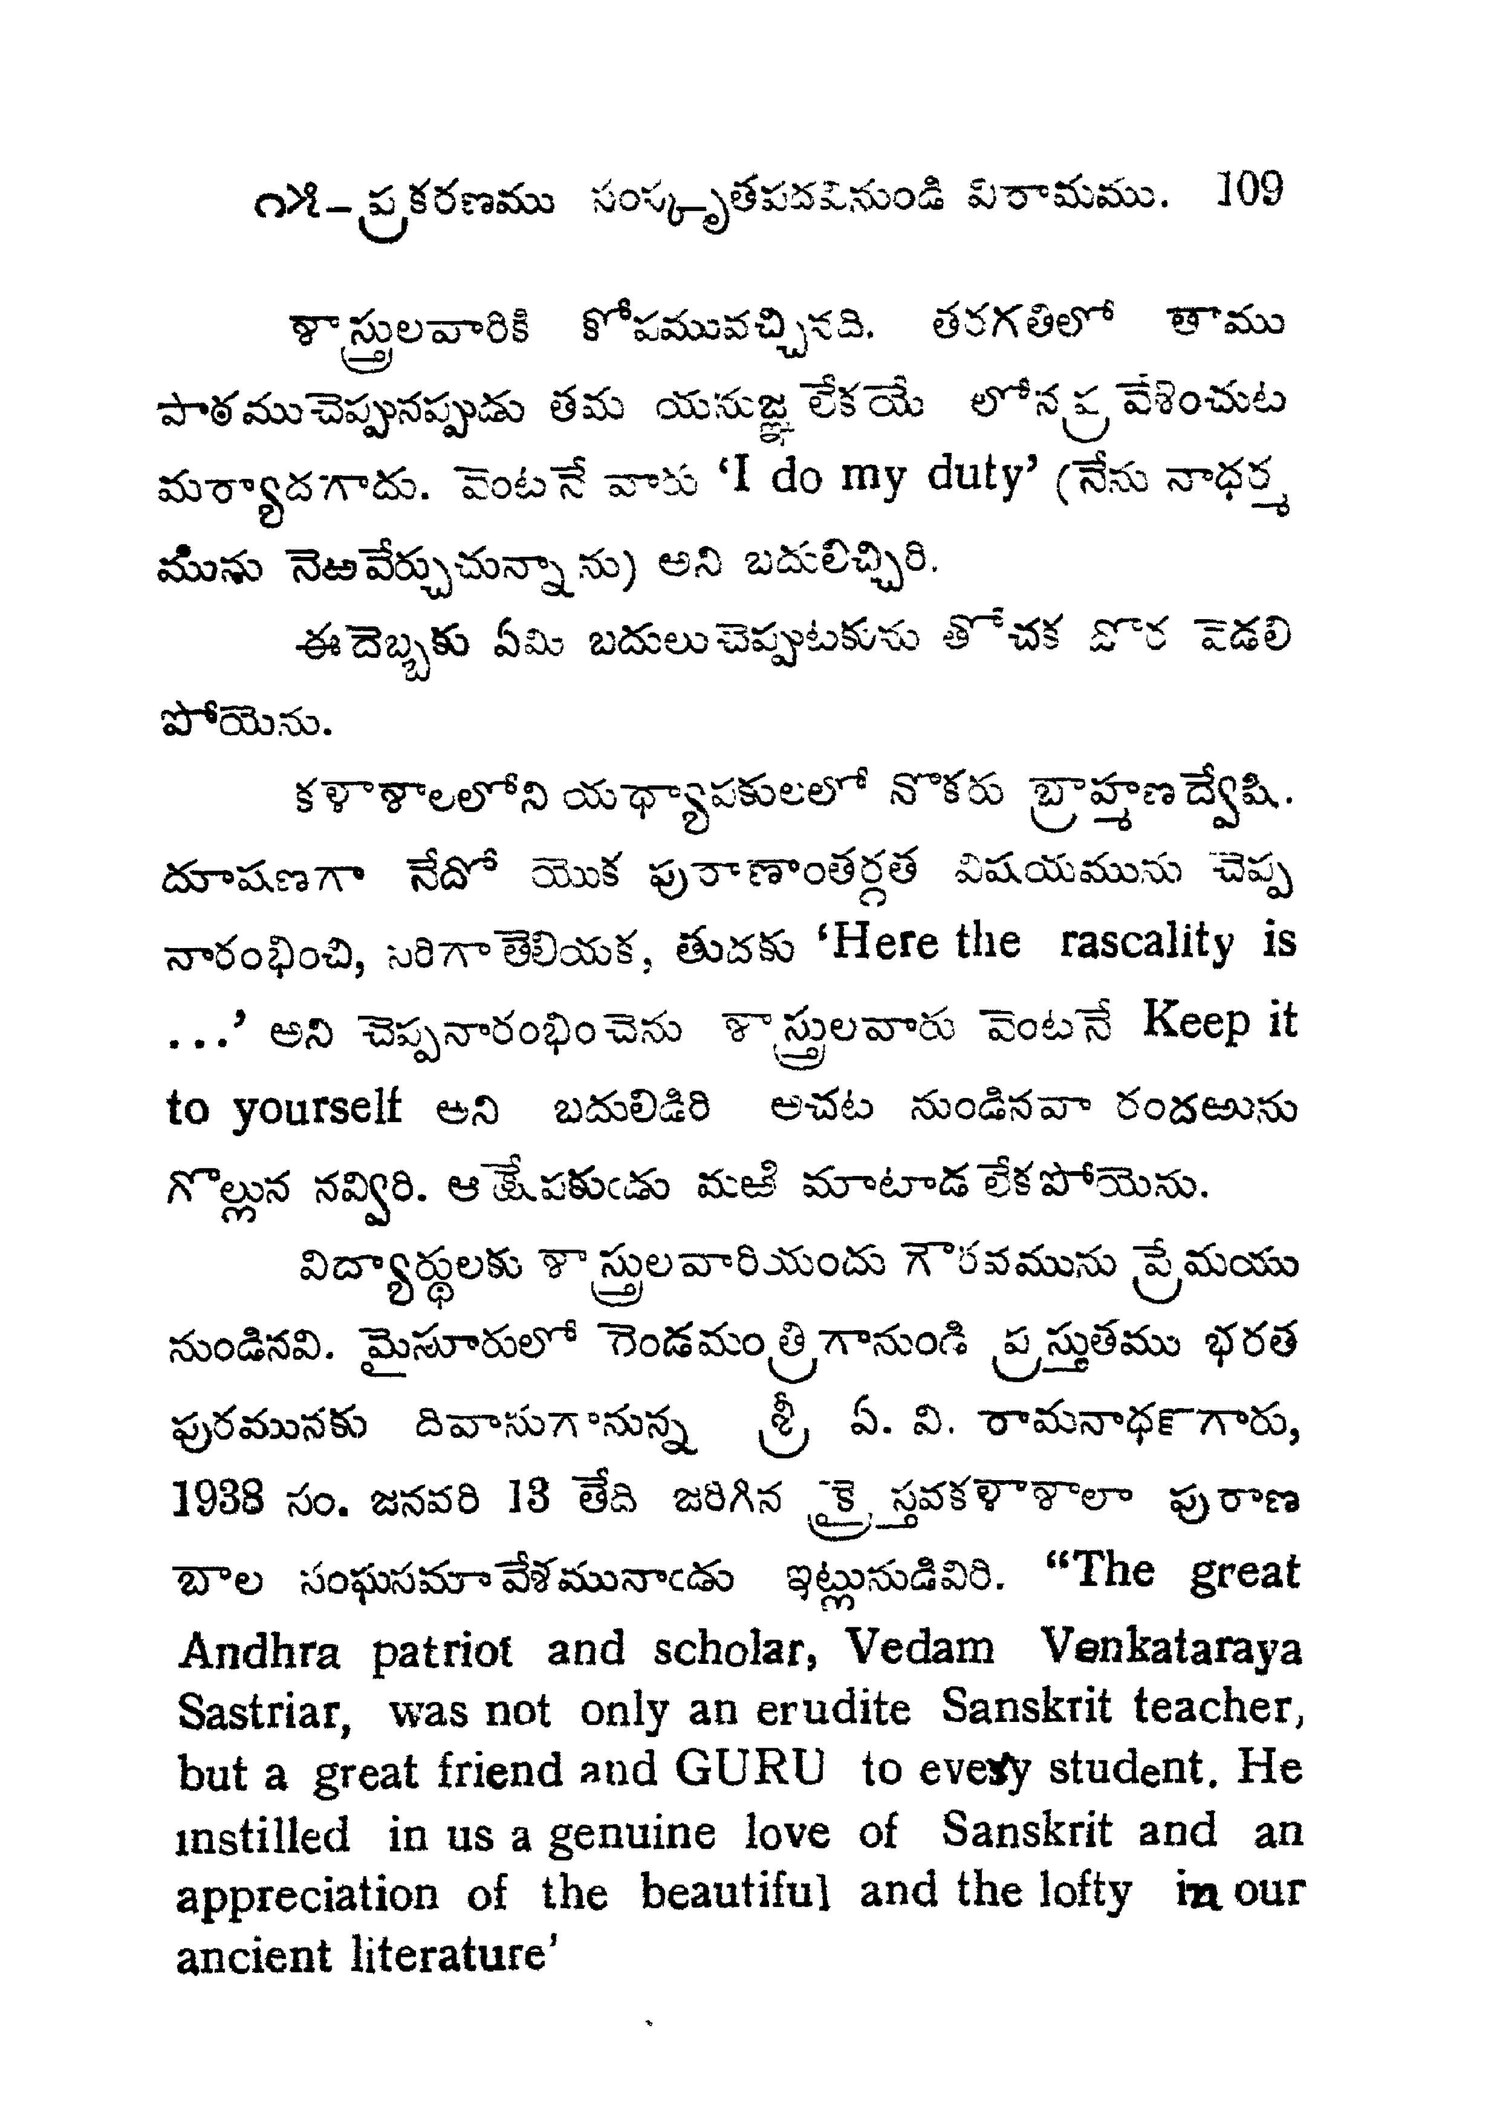శాస్త్రులవారికి కోపమువచ్చినది. తరగతిలో తాము పాఠముచెప్పునప్పుడు తమ యనుజ్ఞలేకయే లోనప్రవేశించుట మర్యాదగాదు. వెంటనే వారు 'I do my duty' (నేను నాధర్మమును నెఱవేర్చుచున్నాను) అని బదులిచ్చిరి.

ఈదెబ్బకు ఏమి బదులుచెప్పుటకును తోచక దొర వెడలి పోయెను.

కళాశాలలోని యథ్యాపకులలో నొకరు బ్రాహ్మణద్వేషి. దూషణముగా నేదో యొక పురాణాంతర్గత విషయమును చెప్ప నారంభించి, సరిగా తెలియక, తుదకు 'Here the rascality is ...' అని చెప్పనారంభించెను శాస్త్రులవారు వెంటనే Keep it to yourself అని బదులిడిరి అచట నుండినవా రందఱును గొల్లున నవ్విరి. ఆక్షేపకుడు మఱి మాటాడలేకపోయెను.

విద్యార్థులకు శాస్త్రులవారియందు గౌరవమును ప్రేమయు నుండినవి. మైసూరులో రెండమంత్రిగానుండి ప్రస్తుతము భరతపురమునకు దివానుగానున్న శ్రీ ఏ.వి. రామానాధన్‌గారు, 1938 సం. జనవరి 13 తేది జరిగిన క్రైస్తవకళాశాల పురాణ బాల సంఘసమావేశమునాడు ఇట్లునుడివిరి. "The great Andhra patriot and scholar, Vedam venkataraya sastriar, was not only an erudite Sanskrit teacher, but a great friend and GURU to every student, He instilled in us a genuine love of Sanskrit and an appreciation of the beautiful and the lofty in our ancient literature'